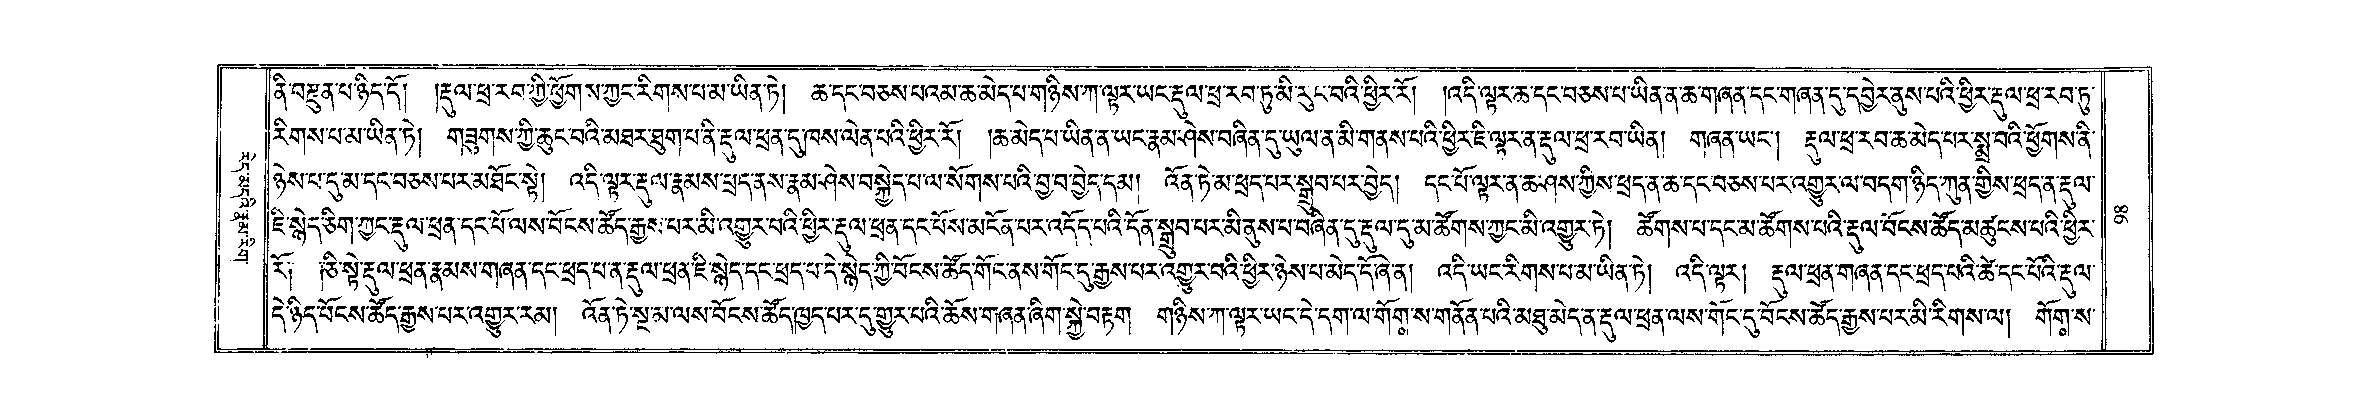ནི་བརྫུན་པ་ཉིད་དོ། །རྡུལ་ཕྲ་རབ་ཀྱི་ཕྱོགས་ཀྱང་རིགས་པ་མ་ཡིན་ཏེ། ཆ་དང་བཅས་པའམ་ཆ་མེད་པ་གཉིས་ཀ་ལྟར་ཡང་རྡུལ་ཕྲ་རབ་ཏུ་མི་རུང་བའི་ཕྱིར་རོ། །འདི་ལྟར་ཆ་དང་བཅས་པ་ཡིན་ན་ཆ་གཞན་དང་གཞན་དུ་དབྱེར་ནུས་པའི་ཕྱིར་རྡུལ་ཕྲ་རབ་ཏུ་
རིགས་པ་མ་ཡིན་ཏེ། གཟུགས་ཀྱི་ཆུང་བའི་མཐར་ཐུག་པ་ནི་རྡུལ་ཕྲན་དུ་ཁས་ལེན་པའི་ཕྱིར་རོ། །ཆ་མེད་པ་ཡིན་ན་ཡང་རྣམ་ཤེས་བཞིན་དུ་ཡུལ་ན་མི་གནས་པའི་ཕྱིར་ཇི་ལྟར་ན་རྡུལ་ཕྲ་རབ་ཡིན། གཞན་ཡང་། རྡུལ་ཕྲ་རབ་ཆ་མེད་པར་སྨྲ་བའི་ཕྱོགས་ནི་
ཉེས་པ་དུ་མ་དང་བཅས་པར་མཐོང་སྟེ། འདི་ལྟར་རྡུལ་རྣམས་ཕྲད་ནས་རྣམ་ཤེས་བསྐྱེད་པ་ལ་སོགས་པའི་བྱ་བ་བྱེད་དམ། འོན་ཏེ་མ་ཕྲད་པར་སྒྲུབ་པར་བྱེད། དང་པོ་ལྟར་ན་ཆ་ཤས་ཀྱིས་ཕྲད་ན་ཆ་དང་བཅས་པར་འགྱུར་ལ་བདག་ཉིད་ཀུན་གྱིས་ཕྲད་ན་རྡུལ་
ཇི་སྙེད་ཅིག་ཀྱང་རྡུལ་ཕྲན་དང་པོ་ལས་བོངས་ཚོད་རྒྱས་པར་མི་འགྱུར་བའི་ཕྱིར་རྡུལ་ཕྲན་དང་པོས་མངོན་པར་འདོད་པའི་དོན་སྒྲུབ་པར་མི་ནུས་པ་བཞིན་དུ་རྡུལ་དུ་མ་ཚོགས་ཀྱང་མི་འགྱུར་ཏེ། ཚོགས་པ་དང་མ་ཚོགས་པའི་རྡུལ་བོངས་ཚོད་མཚུངས་པའི་ཕྱིར་
རོ༑ ༑ཅི་སྟེ་རྡུལ་ཕྲན་རྣམས་གཞན་དང་ཕྲད་པ་ན་རྡུལ་ཕྲན་ཇི་སྙེད་དང་ཕྲད་པ་དེ་སྙེད་ཀྱི་བོངས་ཚོད་གོང་ནས་གོང་དུ་རྒྱས་པར་འགྱུར་བའི་ཕྱིར་ཉེས་པ་མེད་དོ་ཞེ་ན། འདི་ཡང་རིགས་པ་མ་ཡིན་ཏེ། འདི་ལྟར། རྡུལ་ཕྲན་གཞན་དང་ཕྲད་པའི་ཚེ་དང་པོའི་རྡུལ་
དེ་ཉིད་བོངས་ཚོད་རྒྱས་པར་འགྱུར་རམ། འོན་ཏེ་སྔ་མ་ལས་བོངས་ཚོད་ཁྱད་པར་དུ་གྱུར་པའི་ཆོས་གཞན་ཞིག་སྐྱེ་བརྟག་གཉིས་ཀ་ལྟར་ཡང་དེ་དག་ལ་གོགས་ས་གནོན་པའི་མཐུ་མེད་ན་རྡུལ་ཕྲན་ལས་གོང་དུ་བོངས་ཚོད་རྒྱས་པར་མི་རིགས་ལ། གོག་ས་